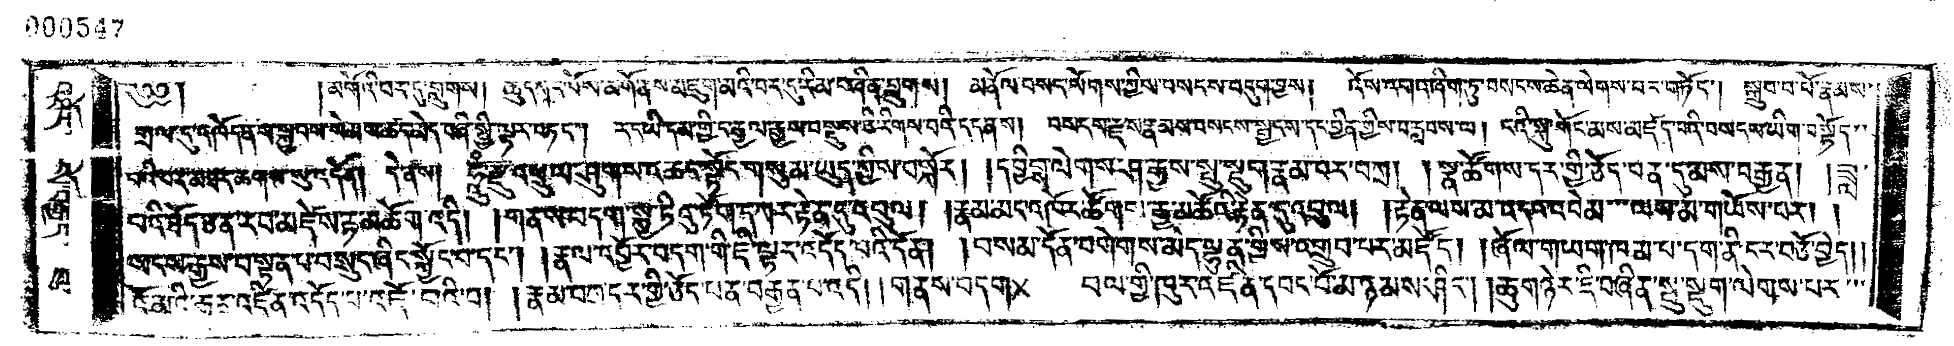༄༅། །མགོའི་བར་དུ་བླུགས། ཆུ་དཀར་པོས་མགོ་ནས་མཇུག་མའི་བར་དུ་རིམ་བཞིན་བླུགས། མནོལ་བསང་སོགས་ཀྱིས་བསངས་བདུག་བྱས། འོས་འགའ་ཞིག་ཏུ་བསངས་ཆེན་ལེགས་པར་གཏོང་། སྒྲུབ་པ་པོ་རྣམས་
གྲལ་དུ་འཁོད་ནས་སྐྱབས་སེམས་ཚད་མེད་བཞི་སྤྱི་ལྟར་བཏང་། རང་ཡི་དམ་གྱི་ང་རྒྱལ་རྒྱས་བསྡུས་ཅི་རིགས་པའི་ངང་ནས། བསངས་རྫས་རྣམས་བསངས་སྦྱངས་དང་བྱིན་གྱིས་བརླབས་ལ། ངའི་སྐུ་གོང་མས་མཛད་པའི་བསངས་ཡིག་བསྟོད་
པའི་བར་མཐར་ཆགས་སུ་འདོན། དེ་ནས། ཧཱུཾ་རྫུ་འཕྲུལ་ཤུགས་འཆང་སྟོང་གསུམ་ཡུད་ཀྱིས་བསྐོར། །དབྱིབས་ལེགས་ཤ་རྒྱས་སྤུ་སྡུག་རྣམ་པར་བཀྲ། །སྣ་ཚོགས་དར་གྱི་ཅོད་པན་དུ་མས་བརྒྱན། །ཟླ་
པའི་ཐོད་ཅན་རབ་མཛེས་རྟ་མཆོག་འདི། །གནས་བདག་སྐྱ་ཏིའུ་ཏོག་དཀར་རྟེན་དུ་འབུལ། །རྣམ་མང་འཁོར་ཚོགས་རྒྱ་མཚོའི་རྟེན་དུ་འབུལ། །རྟེན་ལས་མ་འདའ་འབེམ་ལས་མ་གཡོས་པར། །
སངས་རྒྱས་བསྟན་པ་བསྲུང་ཞིང་སྐྱོང་བ་དང་། །རྣལ་འབྱོར་བདག་གི་ཇི་ལྟར་འདོད་པའི་དོན། །བསམ་དོན་བགེགས་མེད་ལྷུན་གྱིས་འགྲུབ་པར་མཛོད། །ཞོལ་གཡག་ཁམ་པ་དག་ནི་ངར་བཅོ་བྱེད། །
འོ་མའི་རྒྱུན་འཛིན་འདོད་པ་འཇོ་བའི་བ། །རྣམ་བཀྲ་དར་གྱི་ཅོད་པན་བརྒྱན་པ་འདི། །གནས་བདག྾་བལ་གྱི་ཁུར་འཛིན་དབང་པོ་མ་ཉམས་ཤིང་། །ཆུ་གཉེར་ཇི་བཞིན་སྤུ་སྡུག་ལེགས་པར་